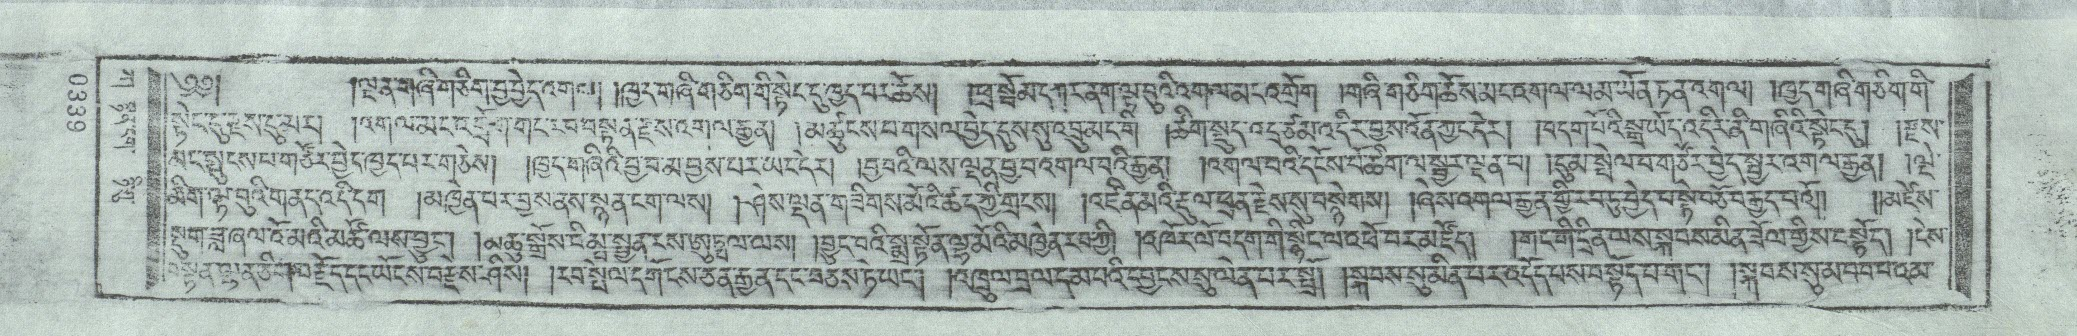༄༅། །ལྡན་གཞི་གཅིག་བྱ་བྱེད་འགལ། །ཁྱད་བཞི་གཅིག་གི་སྟེང་དུ་ཁྱད་པར་ཆོས། །ཕྲ་སྦོམ་དཀར་ནག་ལྟ་བུའི་འགལ་མང་འགྲོག །གཞི་གཅིག་ཆོས་མང་འགལ་ལམ་ཡོན་ཏན་འགལ། །ཁྱད་གཞི་གཅིག?་གི་
སྟེང་དུ་རྫས་དུ་མར། །འགལ་མང་འགྲོག་གང་རབ་བསྟན་རྫས་འགལ་རྒྱན། །མཚུངས་བ་གསལ་བྱེད་དུས་སུ་འབྲུ་མང་གི །ཚིག་སྡུད་འདྲ་ཙམ་འདིར་བྱས་འོན་ཀྱང་དེར། །བདག་པོའི་སྒྲ་ཡོད་འདིར་ནི་གཞིའི་སྟེང་དུ། །རྫས་
མང་སྤུངས་པ་གཙོར་བྱེད་ཁྱད་པར་གཅེས། །ཁྱད་གཞིའི་བྱ་བ་མ་བྱས་པར་ཡང་དེ། །བྱ་བའི་ལས་ལྡན་བྱ་བ་འགལ་བའི་རྒྱན། །འགལ་བའི་དངོས་པོ་ཚིག་ལ་སྦྱར་ལྡན་པ། །དུམ་སྤེལ་བ་གཙོར་བྱེད་སྦྱར་འགལ་རྒྱན། །ལྔེ་
མིག་ལྟ་བུའི་གདན་འདི་དག །མཁྱེན་པར་བྱས་ནས་སྙན་ངག་ལས་།ཤེས་ལྡན་གཟིགས་མོའི་ཚད་ཀྱི་གྲངས་།འཛིན་མའི་རྡུལ་ཕྲན་རྗེས་སུ་བསྙེགས། །ཞེས་འགལ་རྒྱན་གྱི་རབ་ཏུ་བྱེད་པ་སྟེ་བཅོ་བརྒྱད་པའོ།། །།མཛེས་
སྡུག་ཟླ་ཞལ་བོ་མའི་མཚོ་ལས་བྱུང་། །མཆུ་སྒྲོས་བིམྤ་སྤྱན་རས་ཨུཏྤལ་ལས། །བྱུང་བའི་སྨྲ་སྟོན་ལྷ་མོའི་མཁྱེན་རབ་ཀྱི། །འཁོར་ལོ་བདག་གི་སྙིང་ལ་འཕོ་བར་མཛོད། །གང་གི་དྲིན་ལས་སྐབས་མིན་ཟོལ་གྱིས་བཏོང?། །ངེས་
བསྟན་ལྷན་ཅིག་བརྗོད་དང་ཡོངས་བརྗེས་ཤིས། །རབ་སྤེལ་དགོངས་ཅན་རྒྱན་དང་བཅས་ཏེ་ཡང་། །འཁྲུལ་བྲལ་དམ་པའི་དབྱངས་སུ་ལེན་པར་སྤྲོ། །སྐབས་སུ་མིན་པར་འདོད་པས་བསྟོད་པ་གང་། །སྐབས་སུ་ཨ་བབ་པ་འམ་